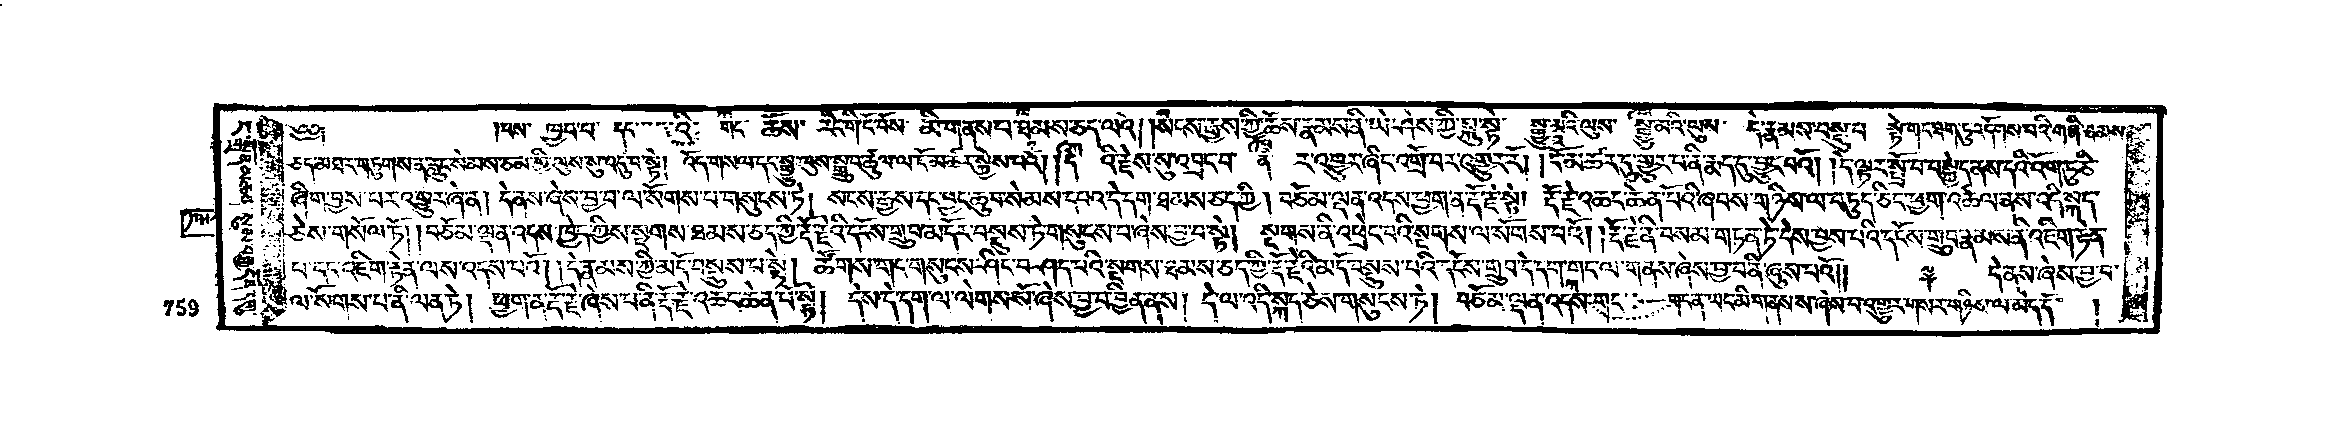༄༅། །པས་ཁྱབ་པ་དང་འི་ཀ྄་གང་ཆོས་ང྄་རང་གི་ངོ་བོས་མི་གནས་པ་ཁ྄་ཐམས་ཅད་ལའོ། །ཆ྄་སངས་རྒྱས་ཀྱི་ཆོས་རྣམས་ནི་ཡེ་ཤེས་ཀྱི་སྐུ་སྟེ་སྒྱུ་མའི་ལུས་ག྄་སྒྱུ་མའི་ལུས་དེ་རྣམས་བསྡུ་པ་སྟེ་གང་ཐག་ཏུ་འདོགས་པའི་གཞི་ཐམས་
ཅད་མཐར་གཏུགས་ན་རླུང་སེམས་ཙམ་གྱི་ལུས་སུ་འདུ་བ་སྟེ། འོད་གསལ་དང་སྒྱུ་ལུས་སྒྲུབ་ཚུལ་ལ་ང་མཆེར་སྐྱེས་པའོ། །ཀ྄་དེའི་རྗེས་སུ་འབྲང་བ་ཁ྄་ནི་ར་འགྱུར་ཞིང་འགྲོ་བར་འགྱུར་རོ། །ངོ་མཚར་དུ་གྱུར་པ་ནི་རྨད་དུ་བྱུང་བའོ། །དེ་ལྟར་སྤྲོ་བ་བསྐྱེད་ནས་དེའི་འོག་ཏུ་ཅི་
ཞིག་བྱས་པར་འགྱུར་ཞེ་ན། དེ་ནས་ཞེས་བྱ་བ་ལ་སོགས་པ་གསུངས་ཏེ། སངས་རྒྱས་དང་བྱང་ཆུབ་སེམས་དཔའ་དེ་དང་ཐམས་ཅད་ཀྱི། བཅོམ་ལྡན་འདས་ཕྱག་ན་རྡོ་རྗེ་སྟེ། རྡོ་རྗེ་འཆང་ཆེན་པོའི་ཞབས་གཉིས་ལ་བཏུད་ཅིང་ཕྱག་འཚལ་ནས་འདི་སྐད་
ཅེས་གསོལ་ཏོ། །བཅོམ་ལྡན་འདས་ཁྱེད་ཀྱིས་སྔགས་ཐམས་ཅད་ཀྱི་རྡོ་རྗེའི་དངོས་གྲུབ་མདོར་བསྡུས་ཏེ་གསུངས་པ་ཞེས་བྱ་བ་སྟེ། སྔགས་ནི་འཕྲེང་བའི་སྔགས་ལ་སོགས་པའོ། །རྡོ་རྗེ་ནི་བསམ་གཏན་ཏེ་དེས་བྱས་པའི་དངོས་གྲུབ་རྣམས་ནི་འཇིག་རྟེན་
པ་དང་འཇིག་རྟེན་ལས་འདས་པའོ། །དེ་རྣམས་ཀྱི་མདོ་བསྡུས་པ་སྟེ། ཚོགས་གང་གསུངས་ཤིང་བཤད་པའི་སྔགས་ཐམས་ཅད་ཀྱི་རྡོ་རྗེའི་མདོ་བསྡུས་པའི་དངོས་གྲུབ་དེ་དག་གང་ལ་གནས་ཞེས་བྱ་བ་ནི་ཞུས་པའོ།། ༈ དེ་ནས་ཞེས་བྱ་བ་
ལ་སོགས་པ་ནི་ལན་ཏེ། ཕྱག་ན་རྡོ་རྗེ་ཞེས་པ་ནི་རྡོ་རྗེ་འཆང་ཆེན་པོ་སྟེ། དེས་དེ་དག་ལ་ལེགས་སོ་ཞེས་བྱ་བ་བྱིན་ནས། དེ་ལ་འདི་སྐད་ཅེས་གསུངས་ཏེ། བཅོམ་ལྡན་འདས་ཀ྄་གང་གང་ན་ཡང་མི་གནས་ས་ཞེས་པ་འགྱུར་གསར་གཉིས་ལ་མེད་དོ། །